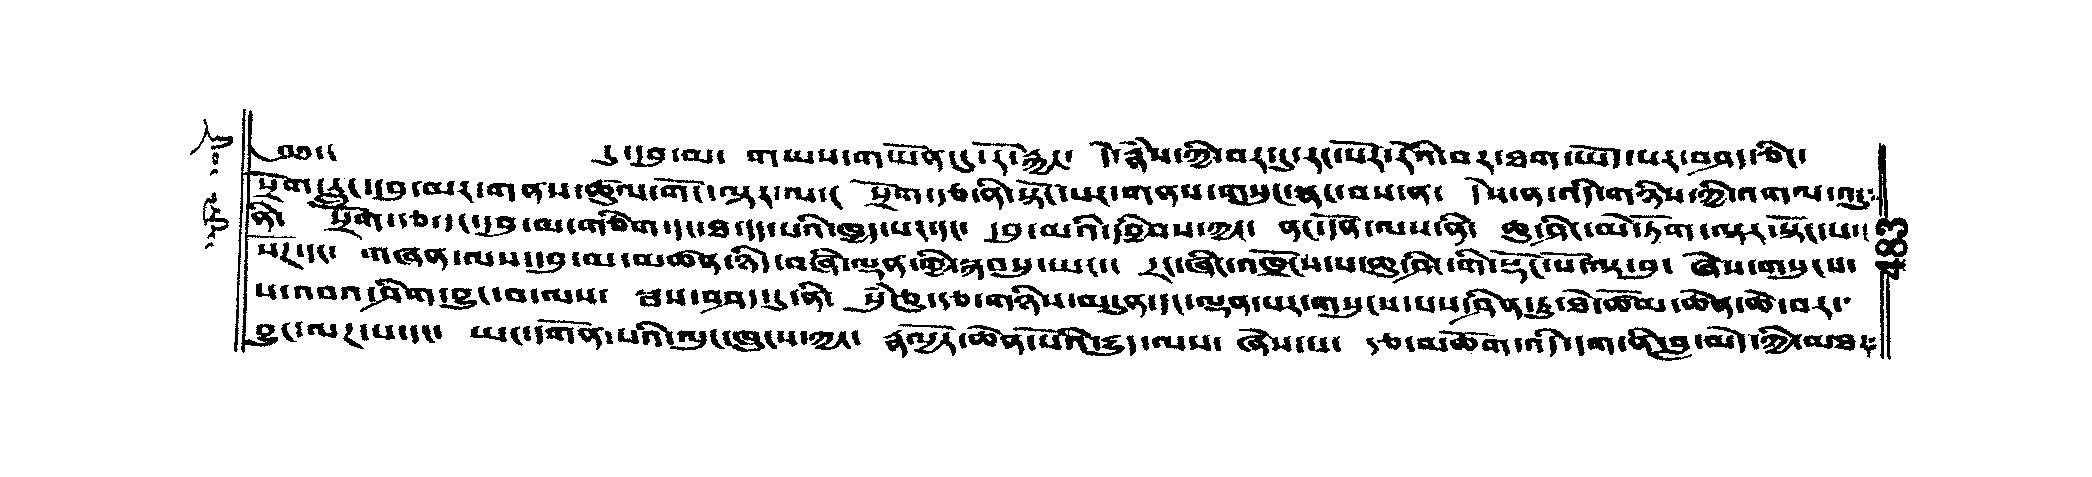དུ་དབུ་མ། གཡས་གཡོན་དུ་རོ་རྐྱང་། དེ་རྣམས་ཀྱི་བར་དུ་རང་སོར་རེའི་བར་ཐག་ཡོད་པར་བཤད་ཅིང་། 
སྲོག་རླུང་དབུ་མར་གནས་ཚུལ་གོང་ལྟར་ལ། སྲོག་རྩ་ནི་སྟོང་པར་གནས་གསུངས་སྣང་བས་ན། དེས་ན་འདི་གཉིས་ཀྱི་འགལ་འདུ་
ནི།སྲོག་རྩ་དང་དབུ་མ་གཅིག་དང་ཐ་དད་པའི་ཁྱད་པར་དང་། དབུ་མའི་དབྱིབས་ཀྱང་། ནང་དོན་ལས་ནི། ཆུ་ཤིང་མེ་ཏོག་ལྟར་སྟོང་པ་
སོགས་དང་། གཞན་ལས་དབུ་མ་མཚན་ཉིད་བཞི་ལྡན་གྱི་སྐབས་སུ་ཡང་། དྲང་ཞིང་འཁྲེངས་པ་ཆུ་ཤིང་གི་སྡོང་པོ་ལྟ་བུ། ཞེས་གསུངས་པ་
འབའ་ཤིག་བྱུང་བ་ལས། སྦས་བཤད་དུ་ནི། སུམ་ཅུ་རྩ་གཉིས་མདུད་དང་ལྡན་པར་གསུངས་པས་ཤིན་ཏུ་ཐེ་ཚོམ་ཆེས་ཆེ་བར་
བྱུང་ལགས་པ་དང་། ཡང་དགོན་པའི་ལུང་ཁུངས་ཀྱང་། རྣལ་འབྱོར་ཆེན་པོའི་རྒྱུད་ལས། ཞེས་པ། རྩ་མཆོག་འདི་དག་ནི་བླ་མེད་ཀྱི་མཐར་